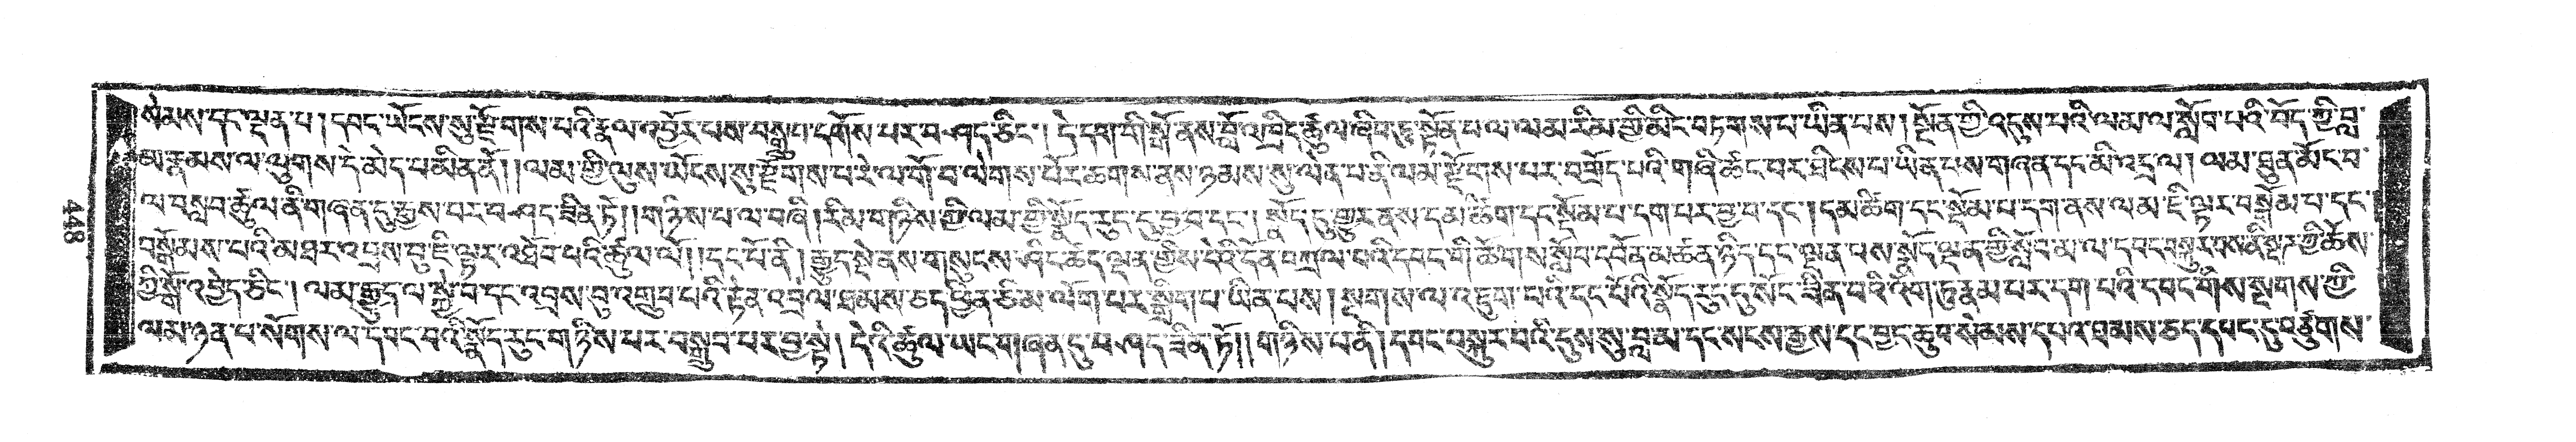སེམས་དང་ལྡན་པ། དབང་ཡོངས་སུ་རྫོགས་པའི་རྣལ་འབྱོར་པས་བསྒྲུབ་དགོས་པར་བཤད་ཅིང་། དེ་དག་གི་སྒོ་ནས་བློ་འཁྲིད་ཚུལ་ཞིབ་ཏུ་སྟོན་པ་ལ་ལམ་རིམ་གྱི་མིང་བཏགས་པ་ཡིན་པས། སྔོན་གྱི་འདུས་པའི་ལམ་ལ་སློབ་པའི་བོད་ཀྱི་བླ་
མ་རྣམས་ལ་ལུགས་དེ་མེད་པ་མིན་ནོ། །ལམ་གྱི་ལུས་ཡོངས་སུ་རྫོགས་པ་རེ་ལ་གོ་བ་ལེགས་པོར་ཆགས་ནས་ཉམས་སུ་ལེན་པ་ནི་ལམ་རྫོགས་པར་བགྲོད་པའི་གཞི་ཚང་བར་ཐིངས་པ་ཡིན་པས་གཞན་དང་མི་འདྲ་ལ། ལམ་ཐུན་མོང་བ་
ལ་བསླབ་ཚུལ་ནི་གཞན་དུ་རྒྱས་པར་བཤད་ཟིན་ཏོ། །གཉིས་པ་ལ་བཞི། རིམ་གཉིས་ཀྱི་ལམ་གྱི་སྣོད་རུང་དུ་བྱ་བ་དང་། སྣོད་དུ་གྱུར་ནས་དམ་ཚིག་དང་སྡོམ་པ་དག་པར་བྱ་བ་དང་། དམ་ཚིག་དང་སྡོམ་པ་དག་ནས་ལམ་ཇི་ལྟར་བསྒོམ་པ་དང་།
བསྒོམས་པའི་མཐར་འབྲས་བུ་ཇི་ལྟར་འཐོབ་པའི་ཚུལ་ལོ། །དང་པོ་ནི། རྒྱུད་སྡེ་ནས་གསུངས་ཤིང་ཚད་ལྡན་གྱིས་དེའི་དོན་བཀྲལ་བའི་དབང་གི་ཚོགས་སློབ་དཔོན་མཚན་ཉིད་དང་ལྡན་པས་སྣོད་ལྡན་གྱི་སློབ་མ་ལ་དབང་བསྐུར་བས་ནི་སྔགས་ཀྱི་ཆོས་
ཀྱི་སྒོ་འབྱེད་ཅིང་། ལམ་རྒྱུད་ལ་སྐྱེ་བ་དང་འབྲས་བུ་འགྲུབ་པའི་རྟེན་འབྲེལ་ཐམས་ཅད་ཕྱིན་ཅི་མ་ལོག་པར་སྒྲིག་པ་ཡིན་པས། སྔགས་ལ་འཇུག་པའི་དང་པོའི་སྣོད་རུང་དུ་སོང་ཟིན་པའི་འོག་ཏུ་རྣམ་པར་དག་པའི་དབང་གིས་སྔགས་ཀྱི་
ལམ་ཉན་པ་སོགས་ལ་དབང་བའི་སྣོད་རུང་གཉིས་པར་བསྒྲུབ་པར་བྱ་སྟེ། དེའི་ཚུལ་ཡང་གཞན་དུ་བཤད་ཟིན་ཏོ། །གཉིས་པ་ནི། དབང་བསྐུར་བའི་དུས་སུ་བླ་མ་དང་སངས་རྒྱས་དང་བྱང་ཆུབ་སེམས་དཔའ་ཐམས་ཅད་དབང་དུ་བཙུགས་